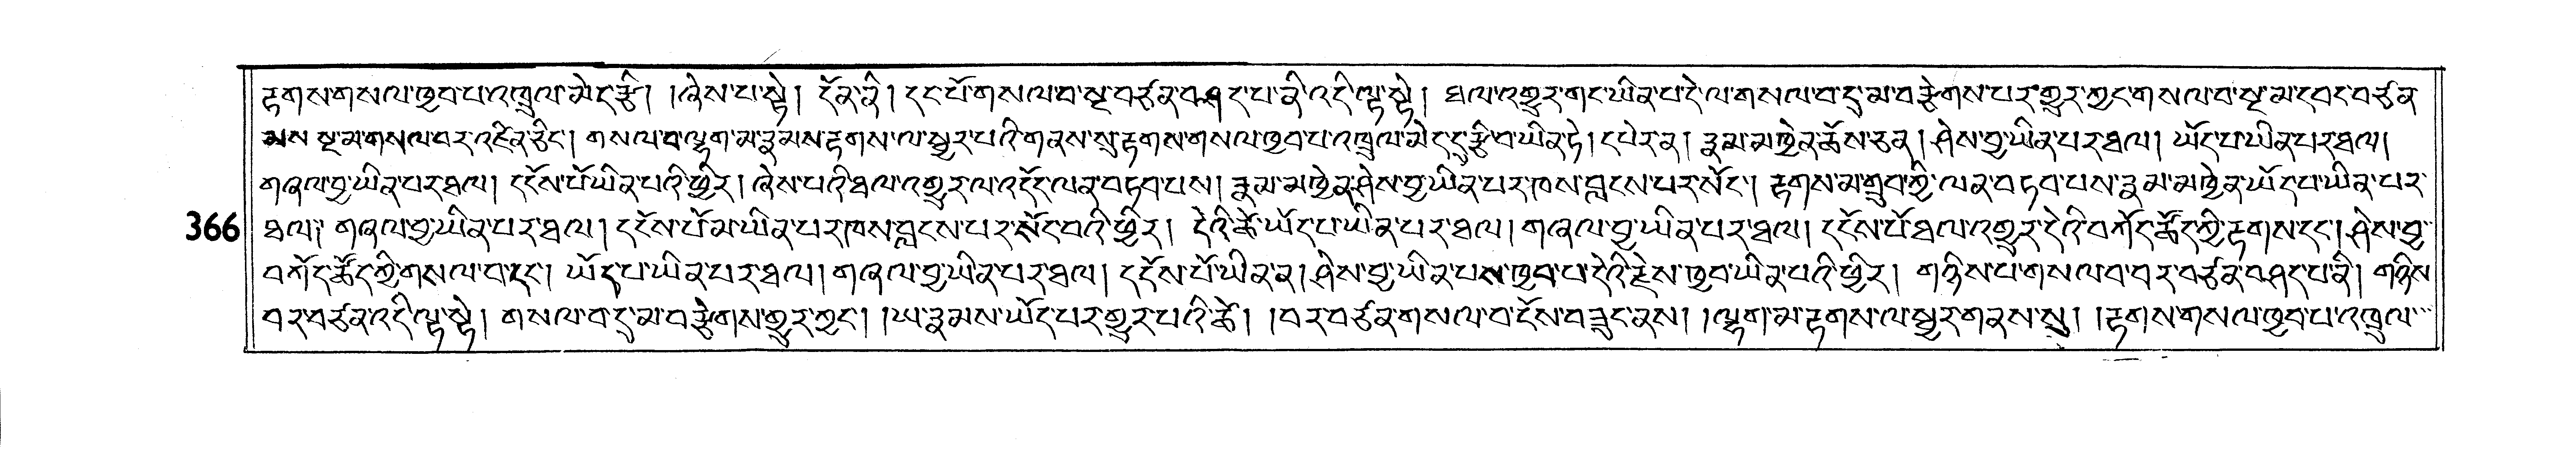རྟགས་གསལ་ཁྱབ་པ་འཁྲུལ་མེད་རྩེ། །ཞེས་པ་སྟེ། དོན་ནི། དང་པོ་གསལ་བ་སྔ་བཏན་བཤད་པ་ནི་འདི་ལྟ་སྟེ། ཐལ་འགྱུར་གང་ཡིན་པ་དེ་ལ་གསལ་བ་དུ་མ་བརྩེགས་པར་གྱུར་ཀྱང་གསལ་བ་སྔ་མ་དབང་བཙན་
མས་སྔ་མ་གསལ་བར་འཛིན་ཅིང་། གསལ་བ་ལྷག་མ་རྣམས་རྟགས་ལ་སྦྱར་པའི་གནས་སུ་རྟགས་གསལ་ཁྱབ་པ་འཁྲུལ་མེད་དུ་རྩེ་བ་ཡིན་ཏེ། དཔེར་ན། རྣམ་མཁྱེན་ཆོས་ཅན། ཤེས་བྱ་ཡིན་པར་ཐལ། ཡོད་པ་ཡིན་པར་ཐལ།
གཞལ་བྱ་ཡིན་པར་ཐལ། དངོས་པོ་ཡིན་པའི་ཕྱིར། ཞེས་པའི་ཐལ་འགྱུར་ལ་འདོད་ལན་བཏབ་པས། རྣམ་མཁྱེན་ཤེས་བྱ་ཡིན་པར་ཁས་བླངས་པར་སོང་། རྟགས་མ་གྲུབ་ཀྱི་ལན་བཏབ་པས་རྣམ་མཁྱེན་ཡོད་པ་ཡིན་པར་
ཐལ༑ གཞལ་བྱ་ཡིན་པར་ཐལ། དངོས་པོ་མ་ཡིན་པར་ཁས་བླངས་པར་སོང་བའི་ཕྱིར། དེའི་ཚེ་ཡོད་པ་ཡིན་པར་ཐལ། གཞལ་བྱ་ཡིན་པར་ཐལ། དངོས་པོ་ཐལ་འགྱུར་དེའི་བཀོད་ཚོད་ཀྱི་རྟགས་དང་། ཤེས་བྱ་
བཀོད་ཚོད་ཀྱི་གསལ་བ་དང་། ཡོད་པ་ཡིན་པར་ཐལ། གཞལ་བྱ་ཡིན་པར་ཐལ། དངོས་པོ་ཡིན་ན། ཤེས་བྱ་ཡིན་པས་ཁྱབ་པ་དེའི་རྗེས་ཁྱབ་ཡིན་པའི་ཕྱིར། གཉིས་པ་གསལ་བ་བར་བཙན་བཤད་པ་ནི། གཉིས་
བར་བཙན་འདི་ལྟ་སྟེ། གསལ་བ་དུ་མ་བརྩེགས་གྱུར་ཀྱང་། །ཡ་རྣམས་ཡོད་པར་གྱུར་པའི་ཚེ། །བར་བཙན་གསལ་བ་ངོས་བཟུང་ནས། །ལྷག་མ་རྟགས་ལ་སྦྱར་གནས་སུ། །རྟགས་གསལ་ཁྱབ་པ་འཁྲུལ་